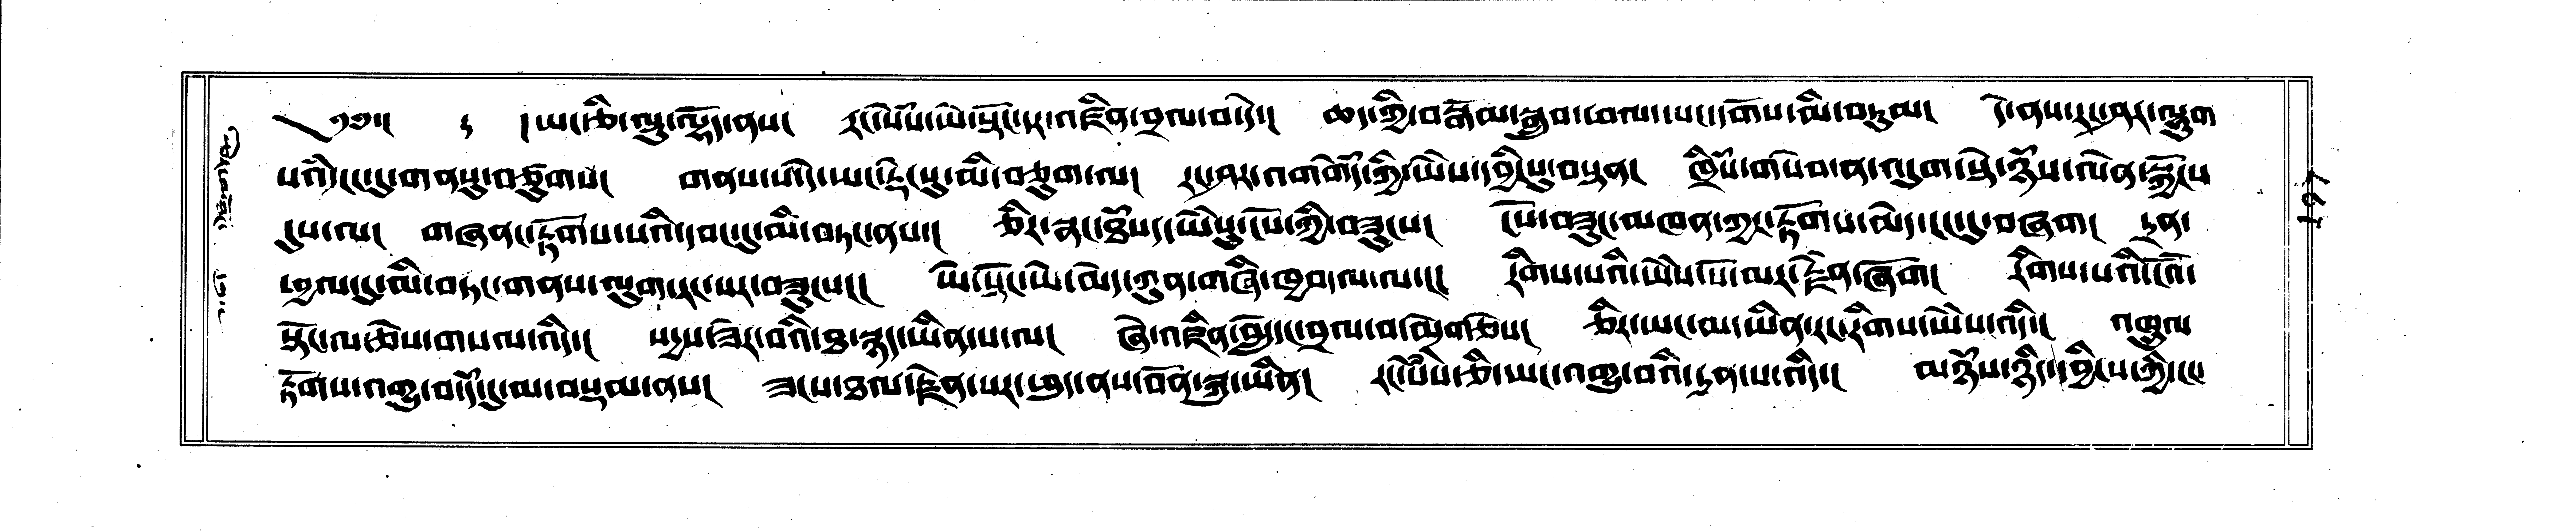ཡང་ཅི་ལྟར་དུ་ལྷོད་ན། རང་སེམས་ཡེ་སྟོང་དེར་འཛིན་བྲལ་བ་དེ། ཆེད་ཀྱིས་བསྒོམ་བསྒྲུབ་ཕལ་ཡང་དགོས་མི་བཏུབ། དེ་ནས་རང་ཤར་ལྷུག་
པའི་ངང་ལ་གནས་སུ་བཅུག གནས་པ་དེ་ཡང་སྡིངས་སུ་མི་བཅུག་ལ། རང་ཤར་ལྷག་མེད་ཀྱི་ཡེ་ཤེས་དབྱིངས་སུ་བསྟན། ཁྲོམ་གསེབ་ན་འདུག་སྟེ་ཉམས་ལེན་སྐྱོངས་
དུས་ལ། གཞན་སྣང་རྟོགས་པའི་དབང་དུ་མི་བཏང་ནས། ཅིར་སྣང་ཐམས་ཅད་ཡེ་ཤེས་སུ་ངོས་ཀྱིས་ཟུངས། ངོས་བཟུང་མཁན་ཀྱང་རྟོག་མེད་ངང་དུ་བཞགས། དྲན་
པ་ཕྱལ་དུ་མི་བཏང་། གནས་ལུགས་རང་ས་བཟུངས། ཡེ་སྟོང་ཡེ་མེད་ཀུན་གཞི་ཁྱབ་བདལ་པ། རིག་པའི་ཡེ་ཤེས་སོ་མར་རྗེན་ནེ་ཞོག རིག་པའི་ངོའོ་
སྟོང་ལ་ཅིར་གསལ་འདི། སངས་རྒྱས་ཟེར་བའི་ཐ་སྙད་ཡིན་པ་ལ། ཞེ་འཛིན་བློ་དང་བྲལ་བའི་མེན་ངག་གཅེས། ཅི་ཡང་མ་ཡིན་རང་རིག་ཡེ་ཤེས་འདི། འཁྲུལ་
རྟོག་འགྱུ་བས་དམ་དུ་མི་བསྡམ་ནས། ཟང་ཐལ་རྗེན་པར་ཕུད་ན་བོན་སྐུ་ཡིན། རང་སེམས་ཅི་ཡང་འགྱུ་བའི་དྲན་པ་འདི། མཉམ་ཉིད་དབྱིངས་ཀྱི་ངང་